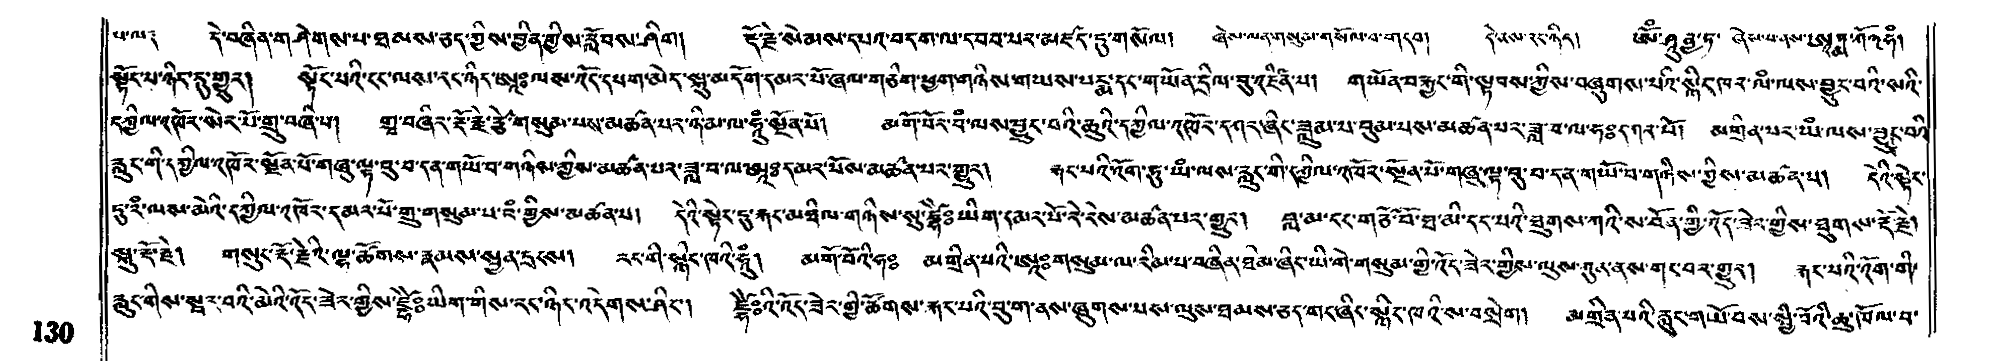པ་ལ༑ དེ་བཞིན་གཤེགས་པ་ཐམས་ཅད་ཀྱིས་བྱིན་གྱིས་རློབས་ཤིག། རྡོ་རྗེ་སེམས་དཔའ་བདག་ལ་དབབ་པར་མཛད་དུ་གསོལ། ཞེས་ལན་གསུམ་གསོལ་བ་གདབ། དེ་ནས་རང་ཉིད།  ཨོཾ་ཤཱུ་ནྱ་ཏ་ཞེས་པ་ནས་ཨཱཏྨ་ཀོཉྷཾ།
སྟོང་པ་ཉིད་དུ་གྱུར། སྟོང་པའི་ངང་ལས་རང་ཉིད་ཨཱཿ ལས་འོད་དཔག་མེད་སྐུ་མདོག་དམར་པོ་ཞལ་གཅིག་ཕྱག་གཉིས་གཡས་པདམ་དང་གཡོན་དྲིལ་བུ་འཛིན་པ། གཡོན་བརྐྱང་གི་སྟབས་ཀྱིས་བཞུགས་པའི་སྙིང་ཁར་ལཾ་ལས་བྱུང་བའི་སའི་
དཀྱིལ་འཁོར་སེར་པོ་གྲུ་བཞི་པ། གྲྭ་བཞིར་རྡོ་རྗེ་རྩེ་གསུམ་པས་མཚན་པར་ཉི་མ་ལ་ཧཱུཾ་སྔོན་པོ། མགོ་བོར་བཾ་ལས་བྱུང་བའི་ཆུའི་དཀྱིལ་འཁོར་དཀར་ཞིང་ཟླུམ་པ་བུམ་པས་མཚན་པར་ཟླ་བ་ལ་ཧཿ དཀར་པོ། མགྲིན་པར་ཡཾ་ལས་བྱུང་བའི་
རླུང་གི་དཀྱིལ་འཁོར་སྔོན་པོ་གཞུ་ལྟ་བུ་བ་དན་གཡོ་བ་གཉིས་ཀྱིས་མཚན་པར་ཟླ་བ་ལ་ཨཱཿ དམར་པོས་མཚན་པར་གྱུར། རྐང་པའི་འོག་ཏུ་ཡཾ་ལས་རླུང་གི་དཀྱིལ་འཁོར་སྔོན་པོ་གཞུ་ལྟ་བུ་བ་དན་གཡོ་བ་གཉིས་ཀྱིས་མཚན་པ། དེའི་སྟེང་
ཏུ་རཾ་ལས་མེའི་དཀྱིལ་འཁོར་དམར་པོ་གྲུ་གསུམ་པ་འཾ་གྱིས་མཚན་པ། དེའི་སྟེང་དུ་རྐང་མཐིལ་གཉིས་སུ་ཛྷཻཿ ཡིག་དམར་པོ་རེ་རེས་མཚན་པར་གྱུར། བླ་མ་དང་གཙོ་བོ་ཐ་མི་དད་པའི་ཐུགས་ཀའི་ས་བོན་གྱི་འོད་ཟེར་གྱིས་ཐུགས་རྡོ་རྗེ།
སྐུ་རྡོ་རྗེ། གསུང་རྡོ་རྗེའི་ལྷ་ཚོགས་རྣམས་སྤྱན་དྲངས། རང་གི་སྙིང་ཁའི་ཧཱུཾ། མགོ་བོའི་ཧཿ མགྲིན་པའི་ཨཱཿ གསུམ་ལ་རིམ་པ་བཞིན་ཐིམ་ཞིང་ཡི་གེ་གསུམ་གྱི་འོད་ཟེར་གྱིས་ལུས་ཀུན་ནས་གང་བར་གྱུར། རྐང་པའི་འོག་གི་
རླུང་གིས་སྦར་བའི་མེའི་འོད་ཟེར་གྱིས་ཛྷཻཿ ཡིག་གིས་རང་ཉིད་འདེགས་ཤིང་། ཛྷཻཿ འི་འོད་ཟེར་གྱི་ཚོགས་རྐང་པའི་བུ་ག་ནས་ཞུགས་པས་ལུས་ཐམས་ཅད་གང་ཞིང་སྙིང་ཁའི་ས་བསྲེག། མགྲིན་པའི་རླུང་གཡོ་བས་སྤྱི་བོའི་ཆུ་ཁོལ་བ་